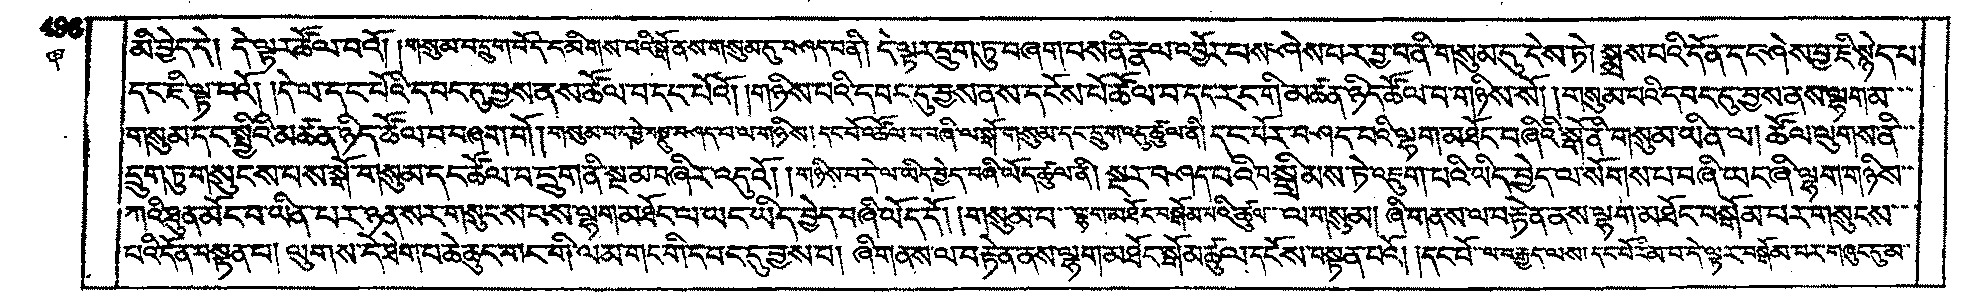མི་བྱེད་དེ། དེ་ལྟར་ཚོལ་བའོ། །གསུམ་པ་དྲུག་པོ་དེ་དམིགས་པའི་སྒོ་ནས་གསུམ་དུ་བཤད་པ་ནི། དེ་ལྟར་དྲུག་ཏུ་བཞག་པས་ནི་རྣལ་འབྱོར་པས་ཤེས་པར་བྱ་བ་ནི་གསུམ་དུ་ངེས་ཏེ། སྨྲས་པའི་དོན་དང་ཤེས་བྱ་ཇི་སྙེད་པ་
དང་ཇི་ལྟ་བའོ། །དེ་ལ་དང་པོའི་དབང་དུ་བྱས་ནས་ཚོལ་བ་དང་པོའོ། །གཉིས་པའི་དབང་དུ་བྱས་ནས་དངོས་པོ་ཚོལ་བ་དང་རང་གི་མཚན་ཉིད་ཚོལ་བ་གཉིས་སོ། །གསུམ་པའི་དབང་དུ་བྱས་ནས་ལྷག་མ་
གསུམ་དང་སྤྱིའི་མཚན་ཉིད་ཚོལ་བ་བཞག་གོ། གསུམ་པ་དབྱེ་བསྡུ་བཤད་པ་ལ་གཉིས། དང་པོ་འཚོལ་བ་བཞི་ལ་སྒོ་གསུམ་དང་དྲུག་འདུ་ཚུལ་ནི།  དང་པོར་བཤད་པའི་ལྷག་མཐོང་བཞིའི་སྒོ་ནི་གསུམ་ཡིན་ལ། ཚོལ་ལུགས་ནི་
དྲུག་ཏུ་གསུངས་པས་སྒོ་གསུམ་དང་ཚོལ་བ་དྲུག་ནི་སྔ་མ་བཞིར་འདུའོ། །གཉིས་པ་དེ་ལ་ཡིད་བྱེད་བཞི་ཡོད་ཚུལ་ནི།  སྔར་བཤད་པའི་བསྒྲིམས་ཏེ་འཇུག་པའི་ཡིད་བྱེད་ལ་སོགས་པ་བཞི་ཡང་ཞི་ལྷག་གཉིས་
ཀའི་ཐུན་མོང་བ་ཡིན་པར་ཉན་སར་གསུངས་པས་ལྷག་མཐོང་ལ་ཡང་ཡིད་བྱེད་བཞི་ཡོད་དོ། །གསུམ་པལྷག་མཐོང་བསྒོམ་པའི་ཚུལ་ལ་གསུམ། ཞི་གནས་ལ་བརྟེན་ནས་ལྷག་མཐོང་བསྒོམ་པར་གསུངས་
པའི་དོན་བསྟན་པ། ལུགས་དེ་ཐེག་པ་ཆེ་ཆུང་གང་གི་ལམ་གང་གི་དབང་དུ་བྱས་པ། ཞི་གནས་ལ་བརྟེན་ནས་ལྷག་མཐོང་སྒོམ་ཚུལ་དངོས་བསྟན་པའོ། །དང་པོལ་བརྒྱད་ལས། དང་པོ་རིམ་པ་དེ་ལྟར་བསྒོམ་པར་གཞུང་དུ་མ་